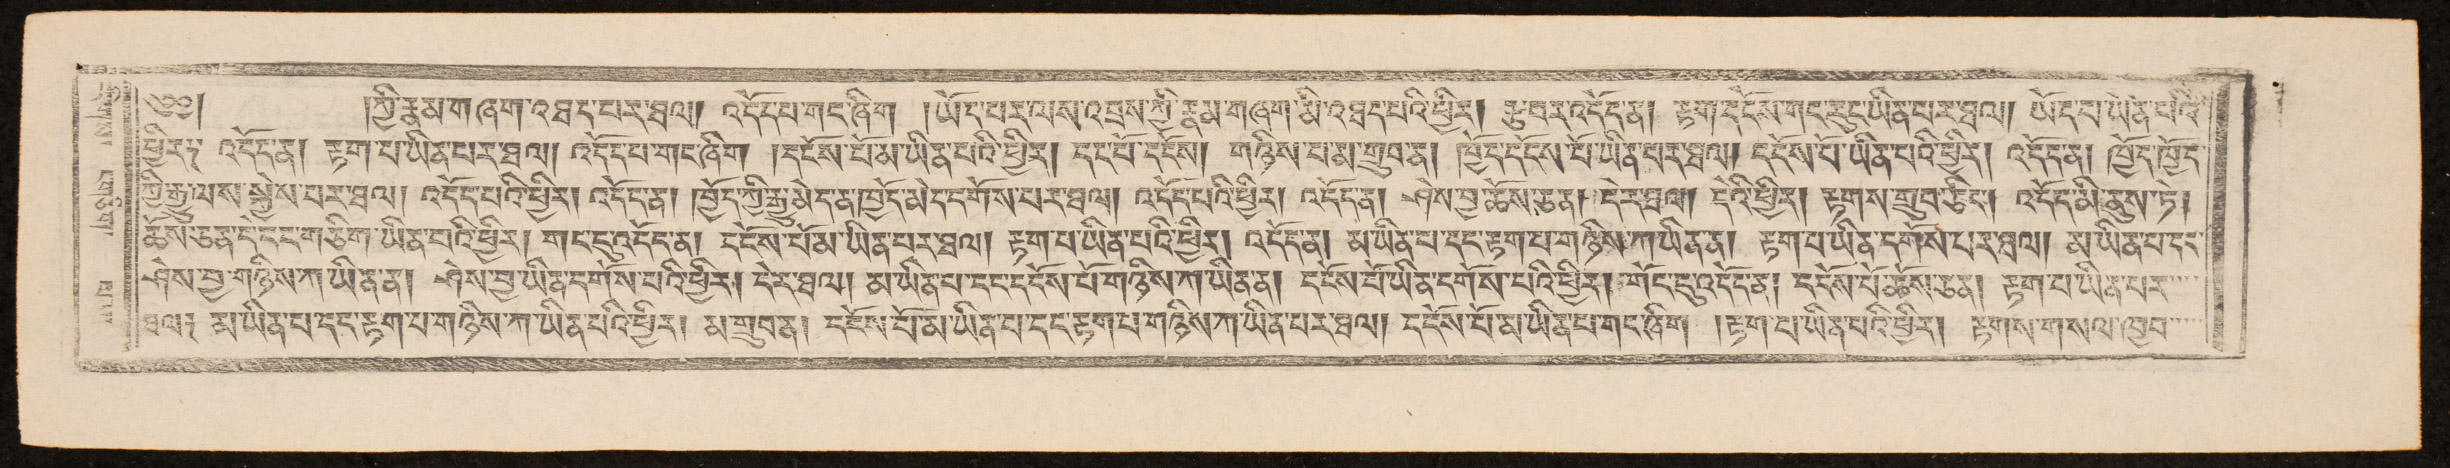༄༅། །ཀྱི་རྣམ་གཞག་འཐད་པར་ཐལ། འདོད་པ་གང་ཞིག །ཡོད་པར་ལས་འབྲས་ཀྱི་རྣམ་གཞག་མི་འཐད་པའི་ཕྱིར། རྩ་བར་འདོད་ན། རྟག་དངོས་གང་རུང་ཡིན་པར་ཐལ། ཡོད་པ་ཡིན་པའི་
ཕྱིར། འདོད་ན། རྟག་པ་ཡིན་པར་ཐལ། འདོད་པ་གང་ཞིག །དངོས་པོ་མ་ཡིན་པའི་ཕྱིར། དང་པོ་དངོས། གཉིས་པ་མ་གྲུབ་ན། ཁྱོད་དངོས་པོ་ཡིན་པར་ཐལ། དངོས་པོ་ཡིན་པའི་ཕྱིར། འདོད་ན། ཁྱོད་ཁྱོད་
ཀྱི་རྒྱུ་ལས་སྐྱེས་པར་ཐལ། འདོད་པའི་ཕྱིར། འདོད་ན། ཁྱོད་ཀྱི་རྒྱུ་མེད་ན་ཁྱོད་མེད་དགོས་པར་ཐལ། འདོད་པའི་ཕྱིར། འདོད་ན། ཤེས་བྱ་ཆོས་ཅན། དེར་ཐལ། དེའི་ཕྱིར། རྟགས་གྲུབ་ཅིང་། འདོད་མི་ནུས་ཏེ།
ཆོས་ཅན་དེ་དང་གཅིག་ཡིན་པའི་ཕྱིར། གོང་དུ་འདོད་ན། དངོས་པོ་མ་ཡིན་པར་ཐལ། རྟག་པ་ཡིན་པའི་ཕྱིར། འདོད་ན། མ་ཡིན་པ་དང་རྟག་པ་གཉིས་ཀ་ཡིན་ན། རྟག་པ་ཡིན་དགོས་པར་ཐལ། མ་ཡིན་པ་དང་
ཤེས་བྱ་གཉིས་ཀ་ཡིན་ན། ཤེས་བྱ་ཡིན་དགོས་པའི་ཕྱིར། དེར་ཐལ། མ་ཡིན་པ་དང་དངོས་པོ་གཉིས་ཀ་ཡིན་ན། དངོས་པོ་ཡིན་དགོས་པའི་ཕྱིར། གོང་དུ་འདོད་ན། དངོས་པོ་ཆོས་ཅན། རྟག་པ་ཡིན་པར་
ཐལ། མ་ཡིན་པར་དང་རྟག་པ་གཉིས་ཀ་ཡིན་པའི་ཕྱིར། མ་གྲུབ་ན། དངོས་པོ་མ་ཡིན་པ་དང་རྟག་པ་གཉིས་ཀ་ཡིན་པར་ཐལ། དངོས་པོ་མ་ཡིན་པ་གང་ཞིག། རྟག་པ་ཡིན་པའི་ཕྱིར། རྟགས་གསལ་ཁྱབ་